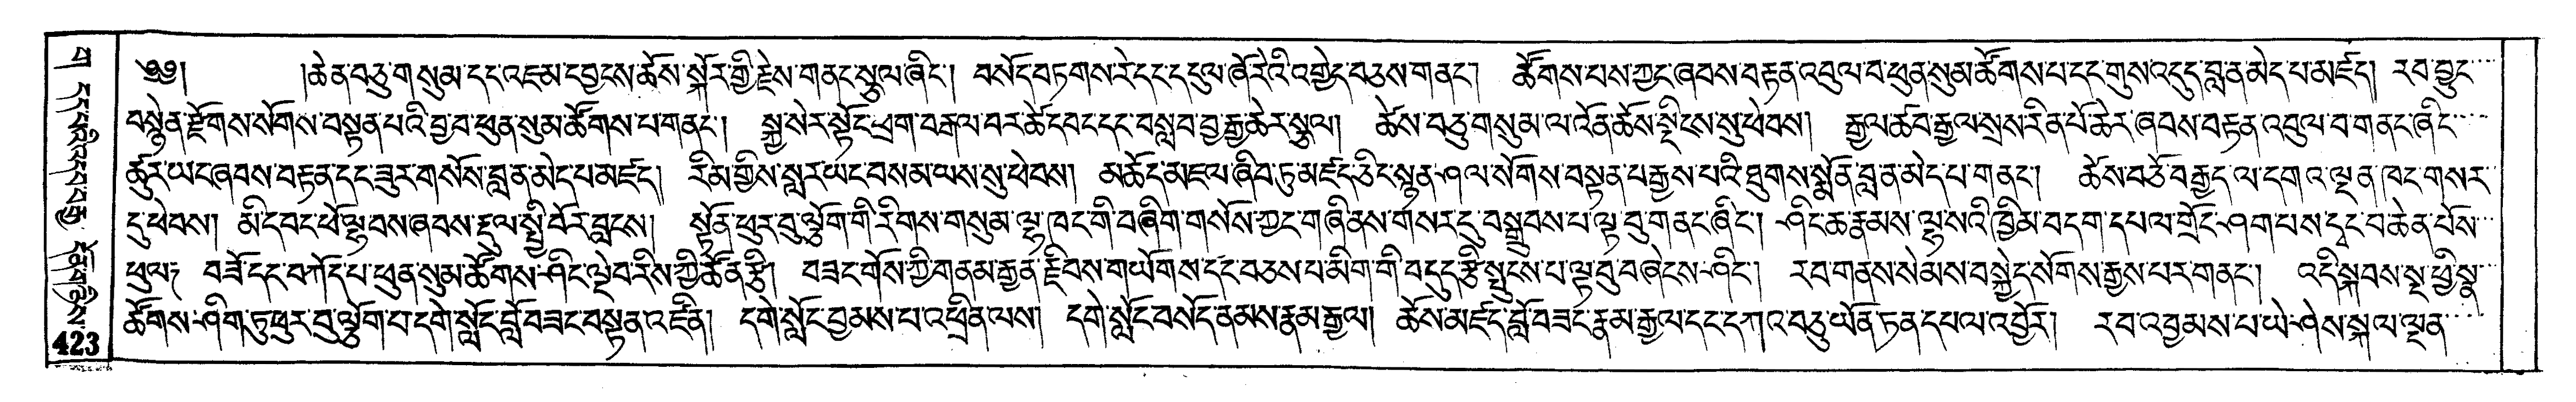༄༅། །ཆེན་བཅུ་གསུམ་དང་འཇམ་དབྱངས་ཆོས་སྐོར་གྱི་རྗེས་གནང་སྩལ་ཞིང་། བསོད་བཏགས་རེ་དང་དངུལ་ཞོ་རེའི་འགྱེད་བཅས་གནང་། ཚོགས་པས་ཀྱང་ཞབས་བརྟན་འབུལ་བ་ཕུན་སུམ་ཚོགས་པ་དང་གུས་འདུད་བླ་ན་མེད་པ་མཛད། རབ་བྱུང་
བསྙེན་རྫོགས་སོགས་བསྟན་པའི་བྱ་བ་ཕུན་སུམ་ཚོགས་པ་གནང་། སྐྱ་སེར་སྟོང་ཕྲག་བརྒལ་བར་ཚེ་དབང་དང་བསླབ་བྱ་རྒྱ་ཆེར་སྩལ། ཚེས་བཅུ་གསུམ་ལ་འོན་ཆོས་སྡིངས་སུ་ཕེབས། རྒྱལ་ཚབ་རྒྱལ་སྲས་རིན་པོ་ཆེར་ཞབས་བརྟན་འབུལ་བ་གནང་ཞིང་
ཚུར་ཡང་ཞབས་བརྟན་དང་ཟུར་གསོས་བླ་ན་མེད་པ་མཛད། རིམ་གྱིས་སླར་ཡང་བསམ་ཡས་སུ་ཕེབས། མཆོད་མཇལ་ཞིབ་ཏུ་མཛད་ཅིང་སྙན་ཤལ་སོགས་བསྟན་པ་རྒྱས་པའི་ཐུགས་སྨོན་བླ་ན་མེད་པ་གནང་། ཚེས་བཅོ་བརྒྱད་ལ་དགའ་ལྡན་ཁང་གསར་
དུ་ཕེབས། མི་དབང་ཕོ་ལྷབས་ཞབས་རྡུལ་སྤྱི་བོར་བླངས། སྟོན་ཕུར་བུ་ལྕོག་གི་རིགས་གསུམ་ལྷ་ཁང་གི་བཞིག་གསོས་ཀྱང་གཞི་ནས་གསར་དུ་བསྒྲུབས་པ་ལྟ་བུ་གནང་ཞིང་། ཤིང་ཆ་རྣམས་ལྷ་སའི་ཁྱིམ་བདག་དཔལ་གྲོང་ཤག་པས་དྭང་བ་ཆེན་པོས་
ཕུལ༑ བཟོ་དང་བཀོད་པ་ཕུན་སུམ་ཚོགས་ཤིང་ལྡེབ་རིས་ཀྱི་ཚོན་རྩི། བཟང་གོས་ཀྱི་གནམ་རྒྱན་རྗིབས་གཡོགས་དང་བཅས་པ་མིག་གི་བདུད་རྩི་སྤུངས་པ་ལྟ་བུ་བཞེངས་ཤིང་། རབ་གནས་སེམས་བསྐྱེད་སོགས་རྒྱས་པར་གནང་། འདི་སྐབས་སྔ་ཕྱི་སྣ་
ཚོགས་ཤིག་ཏུ་ཕུར་བུ་ལྕོག་པ་དགེ་སློང་བློ་བཟང་བསྟན་འཛིན། དགེ་སློང་བྱམས་བ་འཕྲིན་ལས། དགེ་སློང་བསོད་ནམས་རྣམ་རྒྱལ། ཆོས་མཛད་བློ་བཟང་རྣམ་རྒྱལ་དང་དཀའ་བཅུ་ཡོན་ཏན་དཔལ་འབྱོར། རབ་འབྱམས་པ་ཡེ་ཤེས་སྐལ་ལྡན་